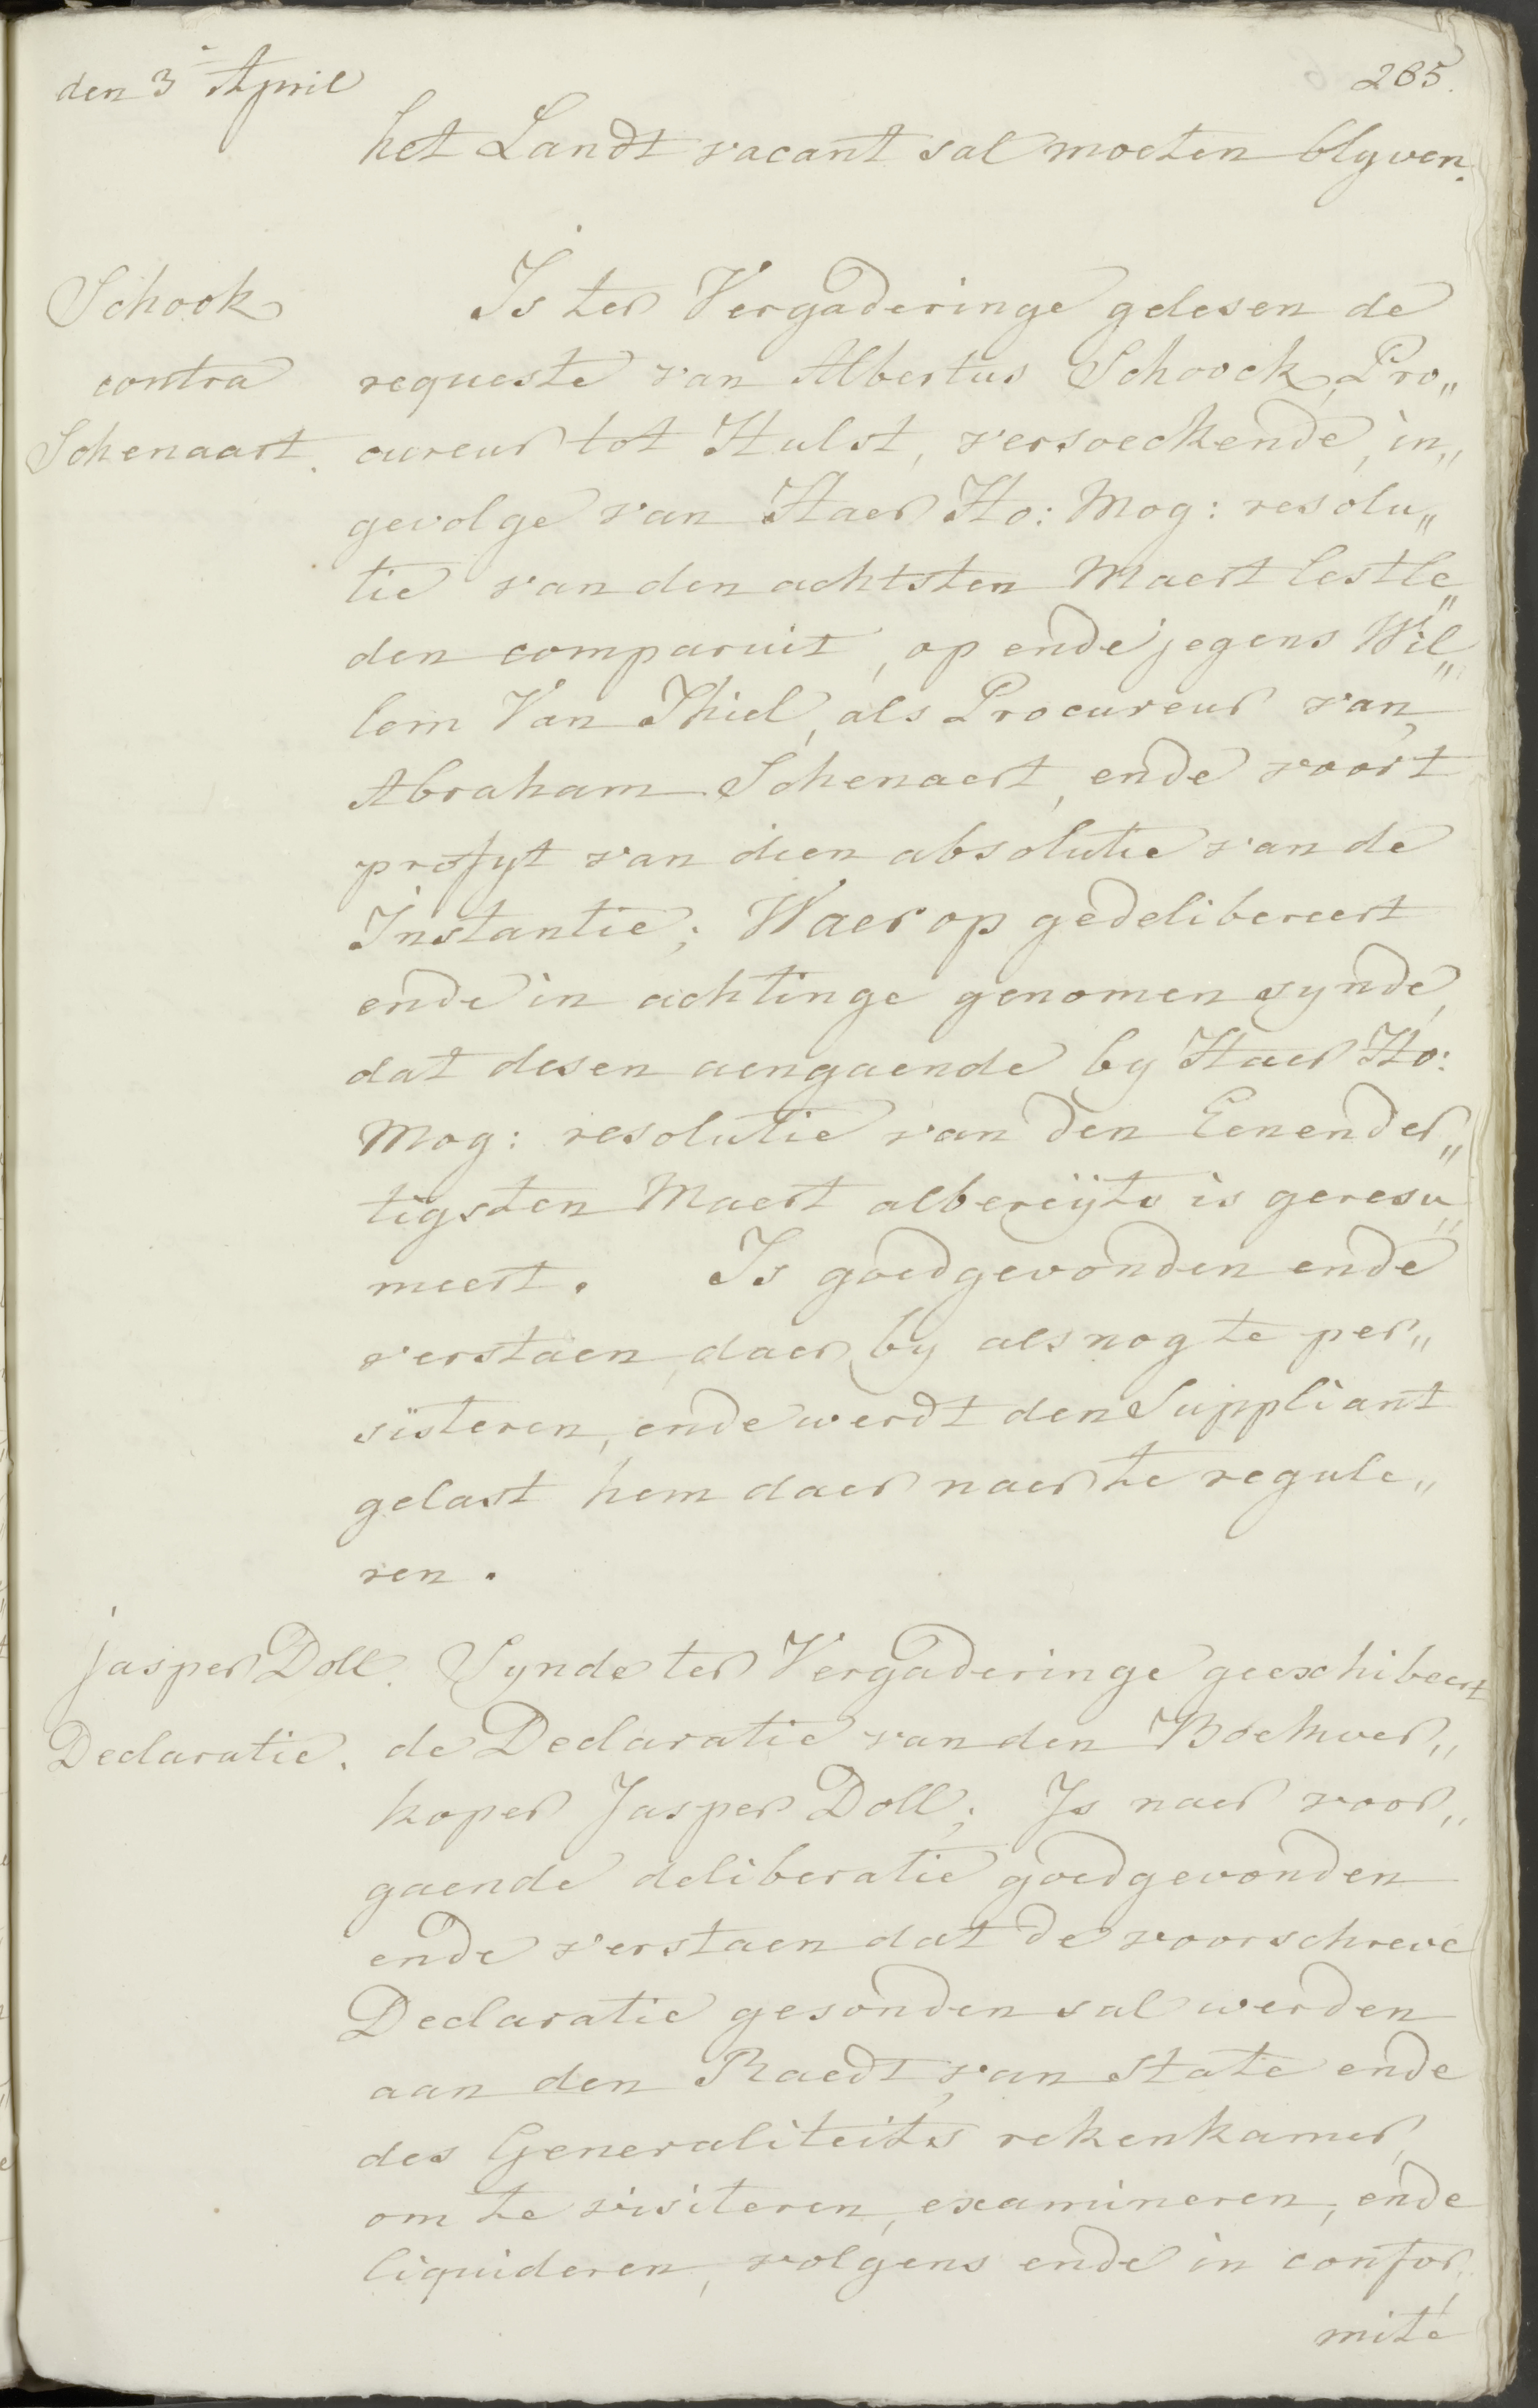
285.
den 3 April
het Landt vacant sal moeten bljven.
Schook
contra
Schenaart
Is ter Vergaderinge gelesen de
requeste van Albertus Schoock, Pro„
cureur tot Hulst, versoeckende in„
gevolge van Haer Ho: Mog: resolu„
tie van den achtsten Maert lestle„
den comparuit, op ende jegens Wil„
lem van Thiel, als Procureur van
Abraham Schenaert, ende voort
profijt van dien absolutie van de
Instantie; Waer op gedelibereert
ende in achtinge genomen sijnde
dat desen aengaende bij Haer Ho:
Mog: resolutie van den Eenender„
tigsten Maert albereijts is geresu„
meert. Is goedgevonden ende
verstaen daer bij als nog te per„
sisteren, ende werdt den Suppliant
gelast hem daer naer te regule„
ren.
Jasper Doll.
Declaratie
Sijnde ter Vergaderinge geexhibeert
de Declaratie van den Boemoes„
koper Jasper Doll; Is naer voor„
gaende deliberatie goedgevonden
ende verstaen dat de voorschreve
Declaratie gesonden sal werden
aan den Raedt van State ende
des Generaliteits rekenkamer,
om te visiteren, examineren, ende
liquideren, volgens ende in confor
mité
